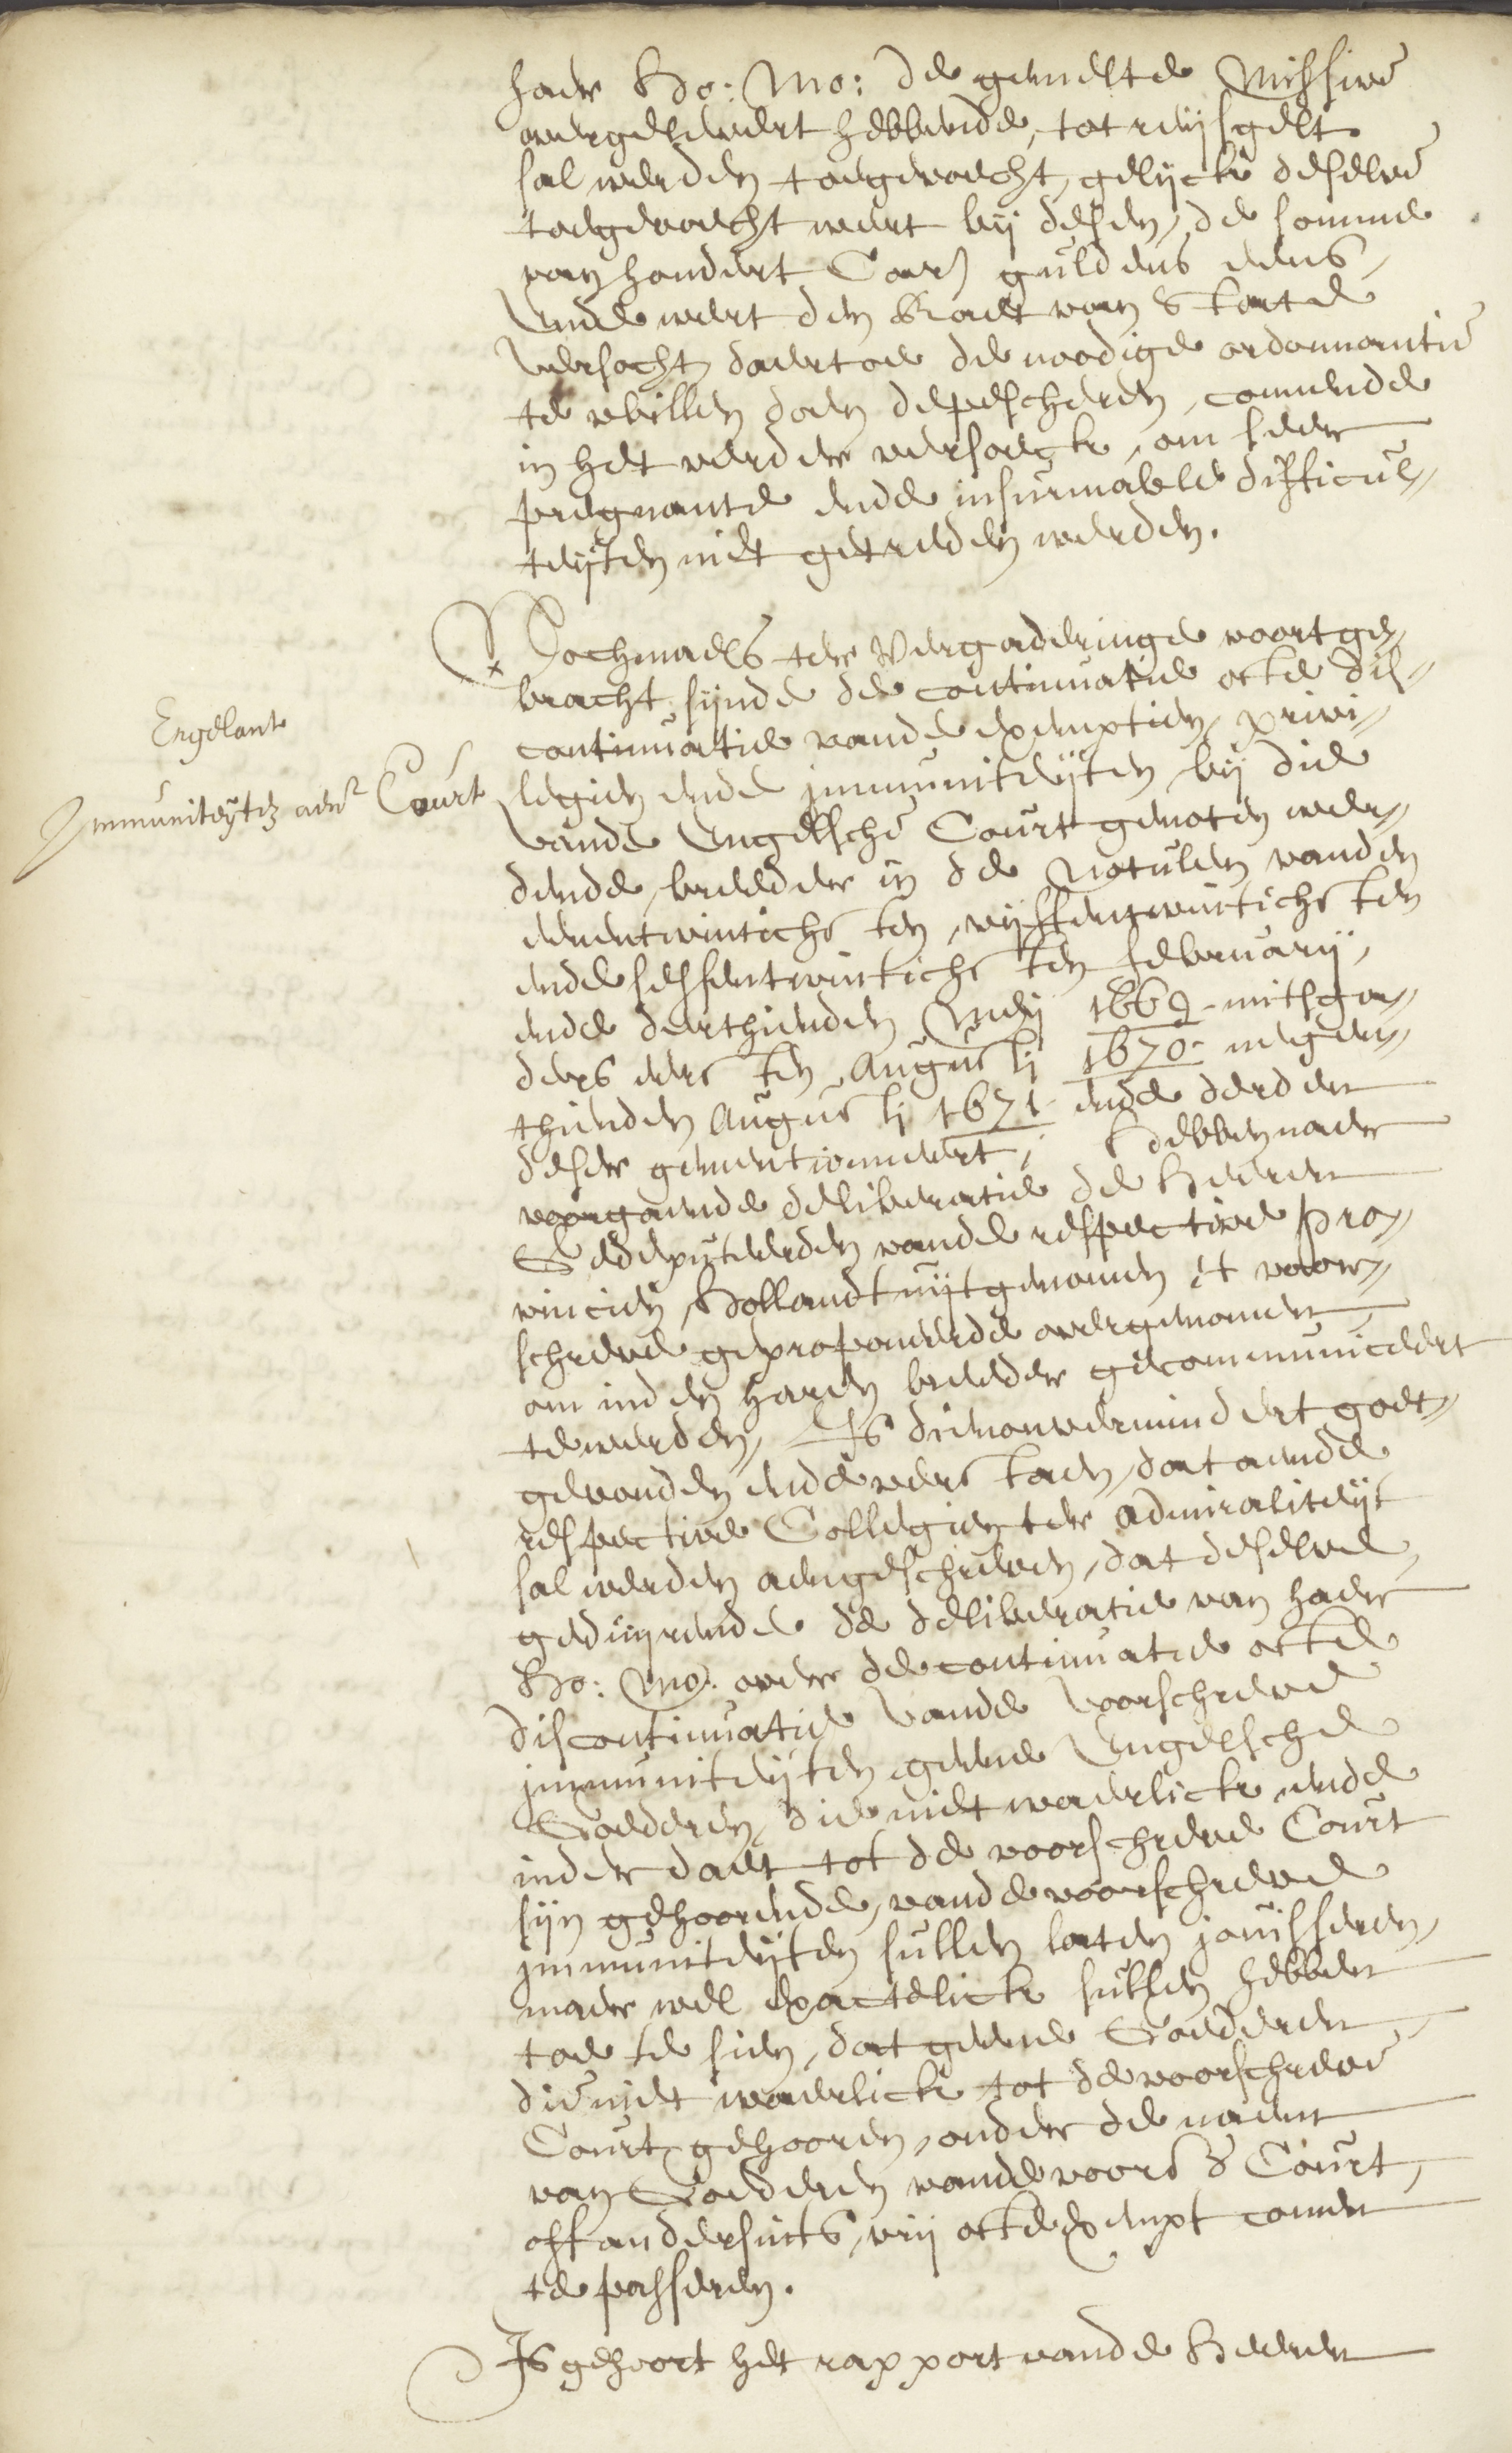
haer Ho:Mo: de gemelte missive
overgelevert hebbende, tot reijsgelt
sal werden toegevoecht, gelijck deselve
toegevoecht wert bij desen, de somme
van hondert Car guldens eens
ende wert den Raet van State
versocht, daertoe de noodige ordonnantie
te willen doen depescheren, connende
in het verder versoeck, om seer
pregnante ende insurmable difficul„
teijten niet getreden werden.
Engelant
Immuniteijten aen Court
Nochmaels ter vergaderinge voortge,
bracht sijnde de continuatie ofte dis„
continuatie vande exemptien, privi,,
legien ende immuniteijten, bij die
vande Engelsche Courtgenoten wer„
dende breeder in de notulen vanden
eenentwintichsten, vijffentwintichsten
ende sessentwintichsten februarij,
ende derthienden Meij 1669. mitsga„,
ders eersten Augusti 1670. negen„
thienden Augusti 1671. ende derden
deser gementionneert; Hebben naer
voorgaende deliberatie de Heeren
Gedeputeerden vande respective pro,,
vincien Hollandt uijtgenomen, 't voor„
schreve geproponeerde overgenomen
om inden haren breeder gecommuniceert
te werden. Is dienonvermindert goet,,
gevonden ende verstaen, dat aende
respective Collegien ter Admiraliteijt
sal werden aengeschreven, dat deselve
geduijrende de deliberatie van haer
Ho:Mo: over de continuatie ofte
discontinuatie vande voorschreve
immuniteijten geene Engelsche
Goederen, die niet waerlick ende
inderdaet tot de voorschreve Court
sijn gehoorende, vande voorschreve
Immuniteijten sullen laten jouisseren,
maer wel exactelick sullen hebben
toe te sien, dat geene Goederen
die niet waerlick tot de voorschreve
Court gehooren, onder de naem
van Goederen vande voors Court
oft andersints, vrij ofte exempt comen
te passeren.
Is gehoort het rapport vande Heeren
